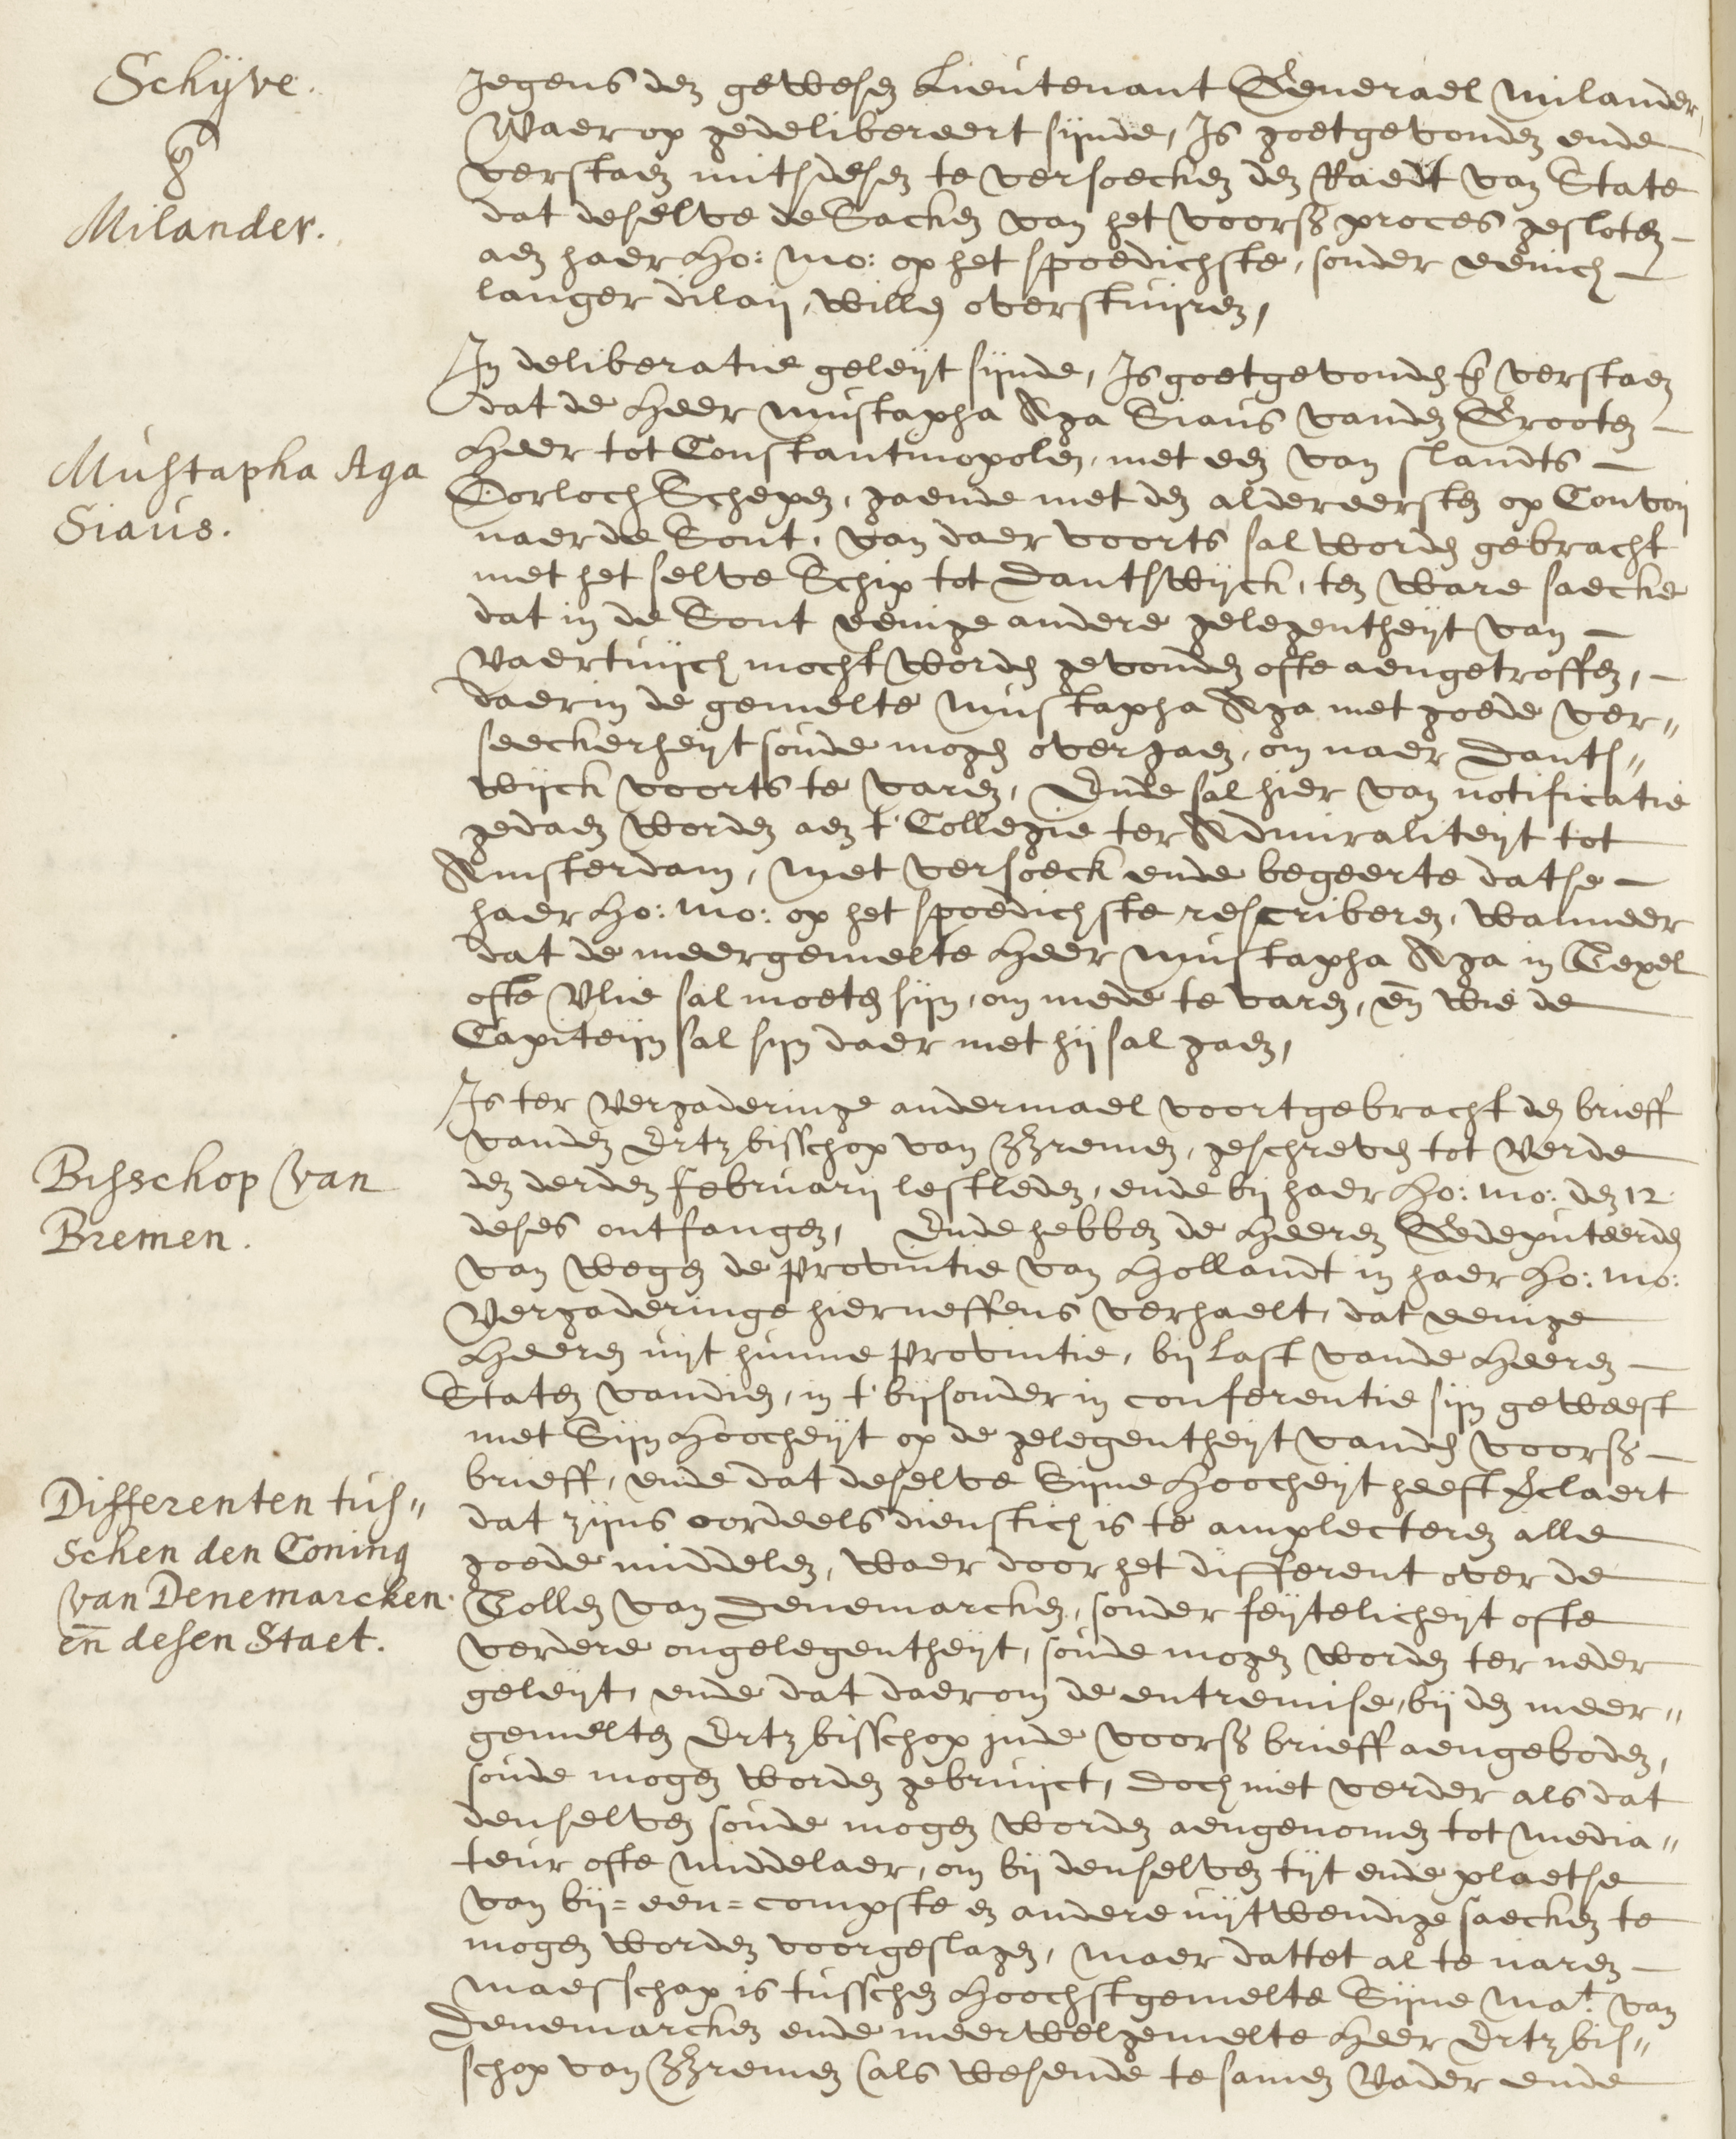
Schijve
&
Milander.
Jegens den gewesen Lieutenant Generael Milander
Waerop gedelibereert sijnde, Is goetgevonden ende
verstaen mitsdesen te versoecken den Raedt van State
dat deselve de Sacken van het voorsz proces gesloten—
aen haer Ho:Mo: op het spoedichste sonder eenich—
langer dilay, willen overstuijren.
Mustapha Aga
Siaus.
In deliberatie geleijt sijnde, Is goetgevonden & verstaen
dat de heer Mustapfa Aga Siaus van den Grooten—
heer tot Constantinopolen met een van slandts—
OorlochSchepen, gaende met den aldereersten op Convoy
naer de Sont, van daer voorts sal worden gebracht
met het selve Schip tot Dantswijck, ten ware saecke
dat in de Sont eenige andere gelegentheijt van —
Vaertuijch mocht worden gevonden ofte aengetroffen, —
daerin de gemelte Mustapfa Aga met goede ver„
seeckerheijt soude mogen overgaen, om naer Dants„
wijck voorts te varen. Ende sal hier van notificatie
gedaen worden aen t‛ Collegie ter Admiraliteijt tot —
Amsterdam, met versoeck ende begeerte datse —
haer Ho:Mo: op het spoedichste rescriberen, wanneer
dat de meergemelte heer Mustapfa Aga in Texel
ofte Vlie sal moeten sijn, om mede te varen en wie de —
Capiteijn sal sijn daer met hij sal gaen.
Bischop van
Bremen.
Differenten tus„
Schen den Coning
van Denemarcken
en desen Staet.
Is ter vergaderinge andermael voortgebracht den brieff
vanden Ertzbisschop van Bremen, geschreven tot Verde
den derden februarij lestleden, ende bij haer Ho:mo den 12
deses ontfangen. Ende hebben de Heeren gedeputeerden
van wegen de Provintie van Hollandt in haer Ho:mo:
Vergaderinge hierneffens verhaelt, dat eenige
Heeren uijt hunne Provintie, bij last van de heeren —
Staten vandien, in t‛ bijsonder in conferentie sijn geweest
met Sijn Hoocheijt op de gelegentheijt vanden voorsz. —
brieff, ende dat deselve Sijne Hoocheijt heeft &claert
dat zijns oordeels dienstich is te amplecteren alle
goede middelen, waer door het different over de
Tollen van Denemarcken sonder feijtelicheijt ofte
verdere ongelegentheijt, soude mogen worden ter neder
geleijt ende dat daerom de entremise, bij den meer„
gemelten Ertzbisschop in de voorsz. brieff aengeboden
soude mogen worden gebruijct, doch niet verder als dat
denselven soude mogen worden aengenomen tot media„
teur ofte middelaer, om bij denselven tijt ende plaetse
van bij‒een‒compste en andere uijtwendige saecken te
mogen worden voorgeslagen, maer dattet al te naren —
maesschap is tusschen Hoochstgemelte Sijne Mat. van
Denemarcken ende meerwelgemelte Heer Ertzbis„
schop van Bremen (als wesende tesamen vader ende
